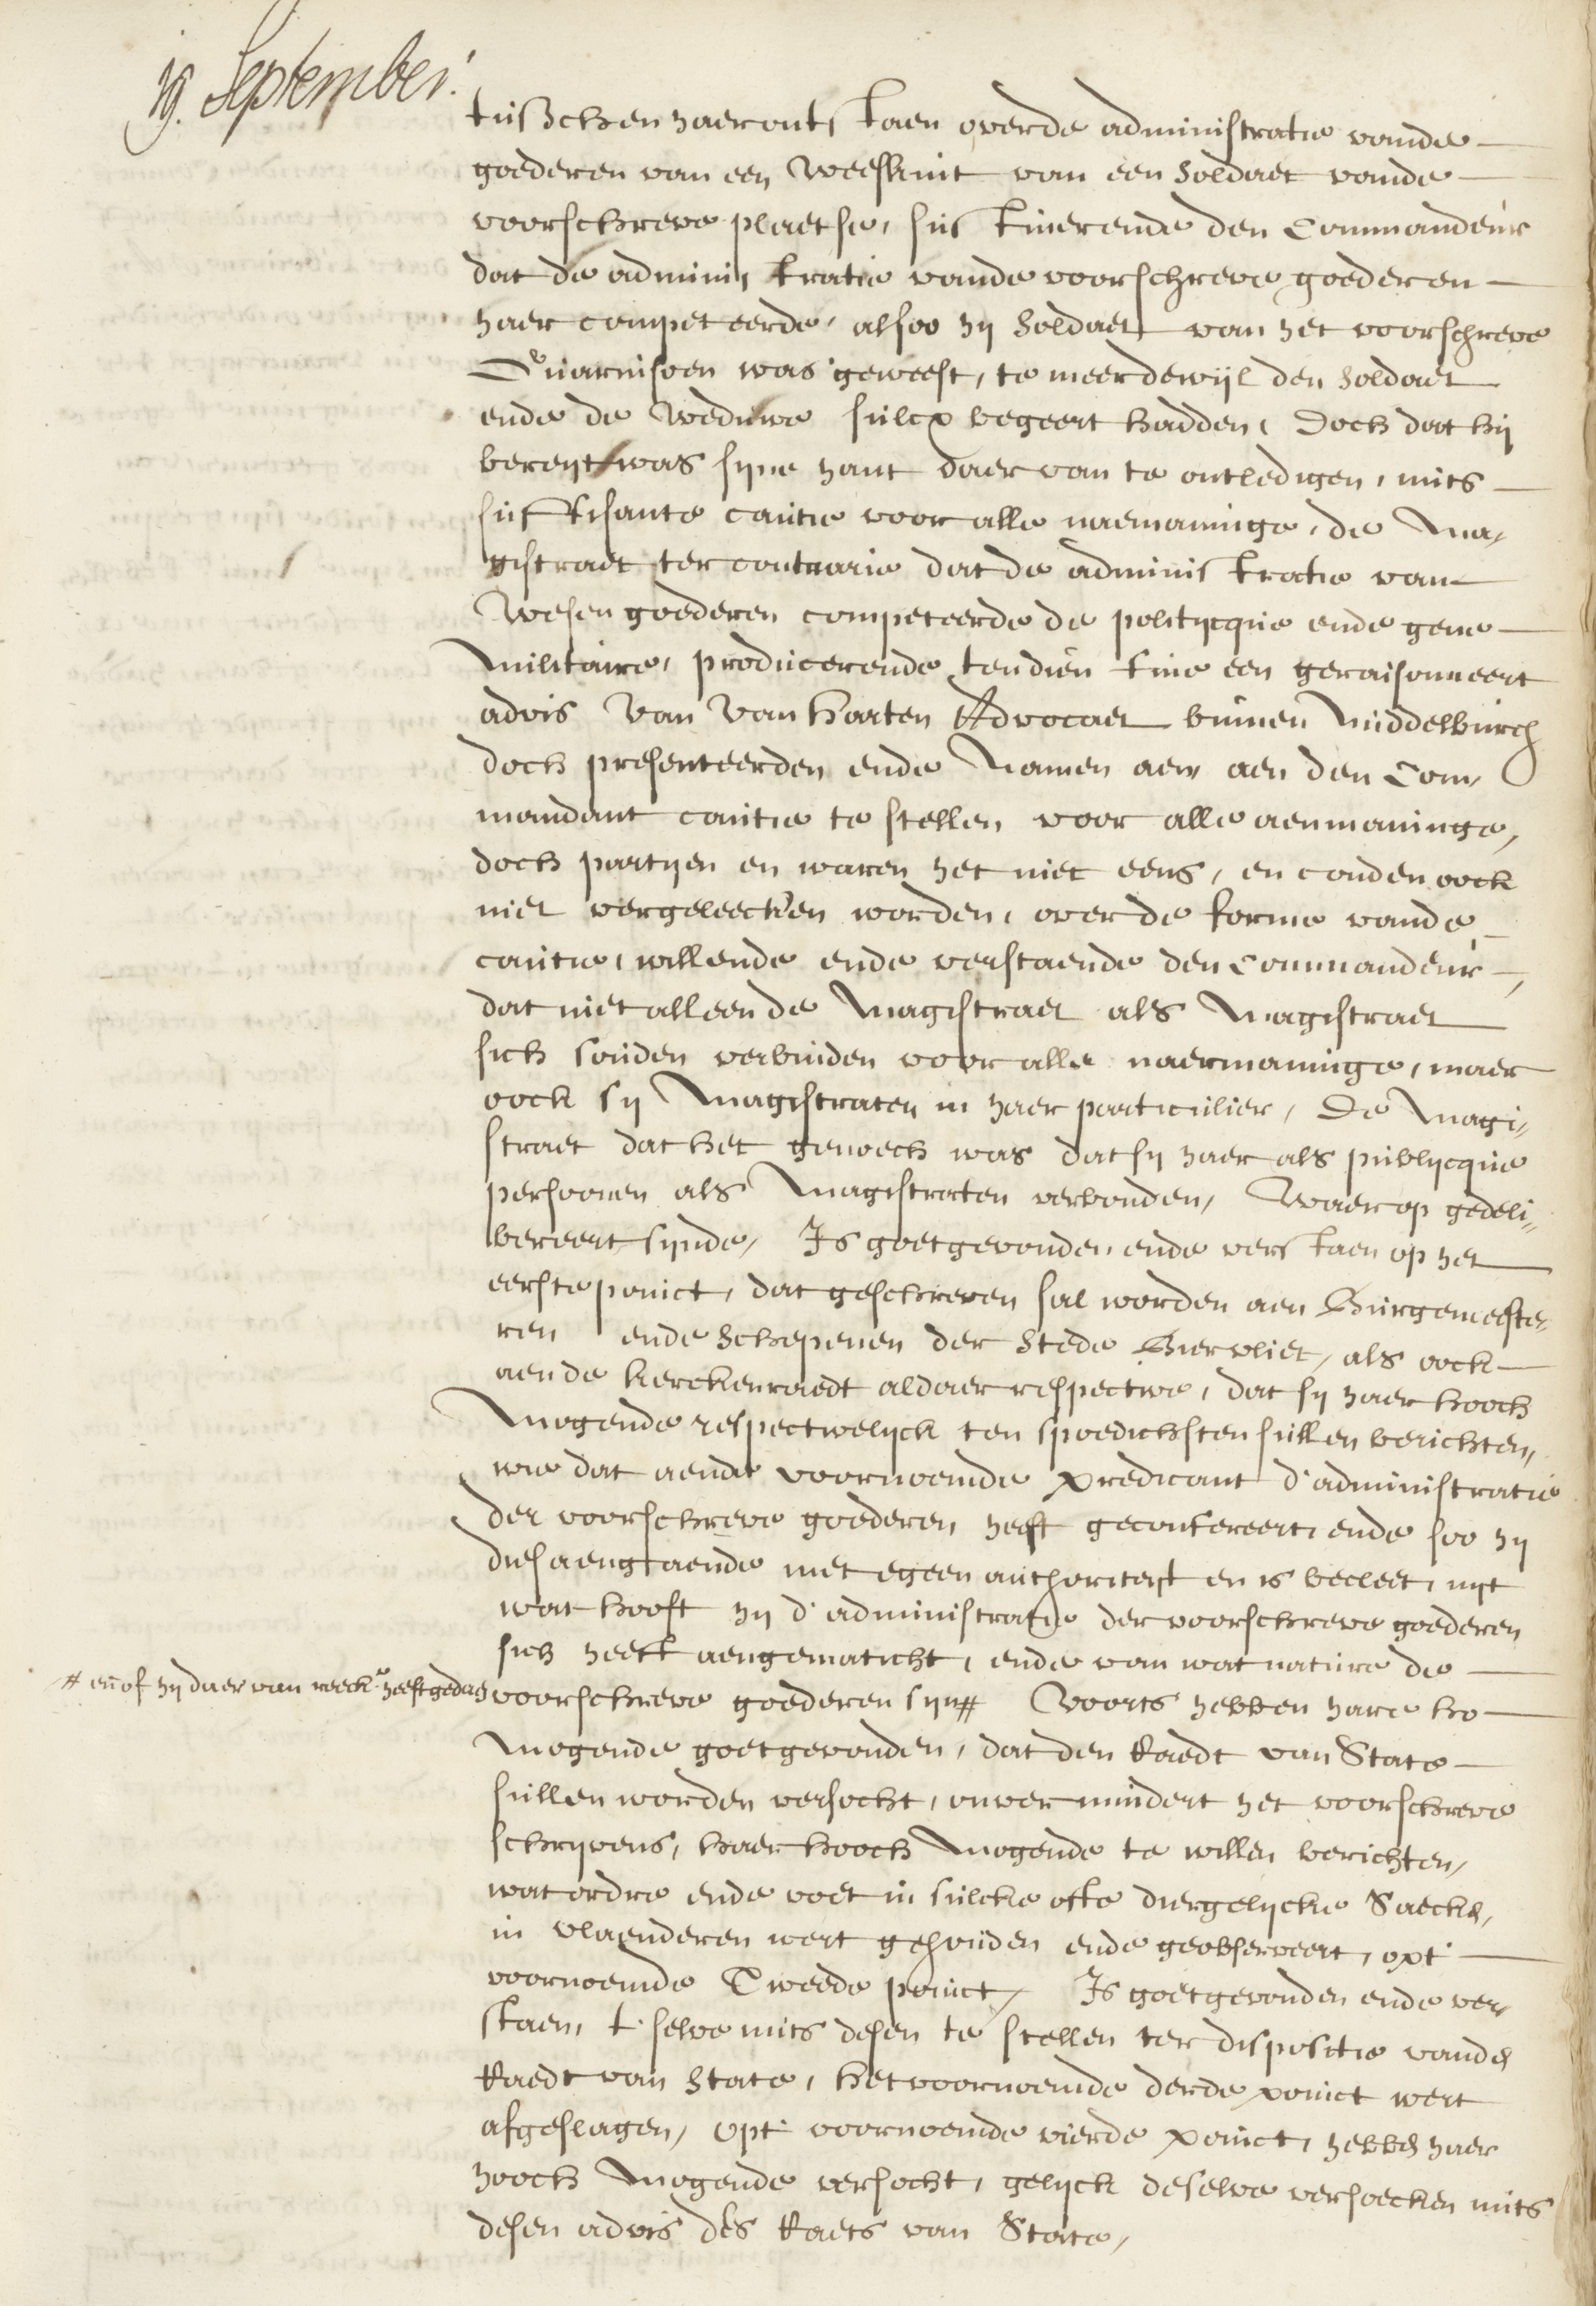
19. September.
# enof hy daer van reecke heeft gedaen,
tusschen haer ontstaen overde administratie vande
goederen van een weeskint van een soldaet vande
voorschreve plaetse, sustinerende den Commandeur
dat de administratie vande voorschreve goederen
haer competeerde, alsoo hy soldaet van het voorschreve
Guarnisoen was geweest, te meer dewijl den soldaet
ende de weduwe sulcx begeert hadden, Doch dat hy
bereyt was syne hant daer von te ontledigen, mits
suffisante cautie voor alle naemanningen, de Ma,,
gistraet ter contrarie dat de administratie van
wesen goederen competeerde de politycque ende gene
militaire, producerende ten dien fine een geraisonneert
advis van van Harten Advocaet binnen Middelburch
doch presenteerden ende namen aen, aen den Com,
mandant cautie te stellen voor alle aenmaninge
doch partyen en waren het niet eens, en conden oock
niet vergeleecken worden, over de forme vande
cautie, willende ende verstaende den commandeur
dat niet alleen de Magistraet als Magistraet
sich souden verbinden voor alle naermanninge, maer
oock sy Magistraten in haer particulier. De Magi„,
straet dat het genoech was dat sy haer als publycque
persoonen als magistraten verbonden. Waerop gedeli„
bereert synde, Is goetgevonden ende verstaen op het
eerste poinct, dat geschreven sal werden aen Burgemeeste,
ren ende schepenen der stede Biervliet, als oock
aen de kerckenraedt aldaer respective, dat sy haer hooch
mogende respectivelyck ten spoedichsten sullen berichten,
wie dat aende voornoemde predicant d'administratie
der voorschreve goederen heeft geconfereert ende soo sy
diesaengaende met egeen autheriteyt en is becleet, uyt
wat hooft hy d‛administratde der voorschreve goederen
sich heeft aengematicht, ende van wat nature de
voorschreve goederen sijn# Voorts hebben hare ho:
mogende goetgevonden, dat den Raedt van State
sullen worden versocht, onvermindert het voorschreve
schryvens, haer hooch mogende te willen berichten,
wat ordre ende voet in sulcke ofte diergelycke saecken,
in Vlaenderen wert gehouden ende geobserveert, opt'
voornoemde Tweede poinct, is goetgevonden ende ver„
staen, t' selve mits desen te stellen ter dispositie vanden
Raedt van State, het voornoemde derde poinct wert
afgeslagen. Opt' voornoemde vierde poinct, hebben haer
hooch mogende versocht, gelyck deselve versoecken mits
desen advis des Raets van State.
